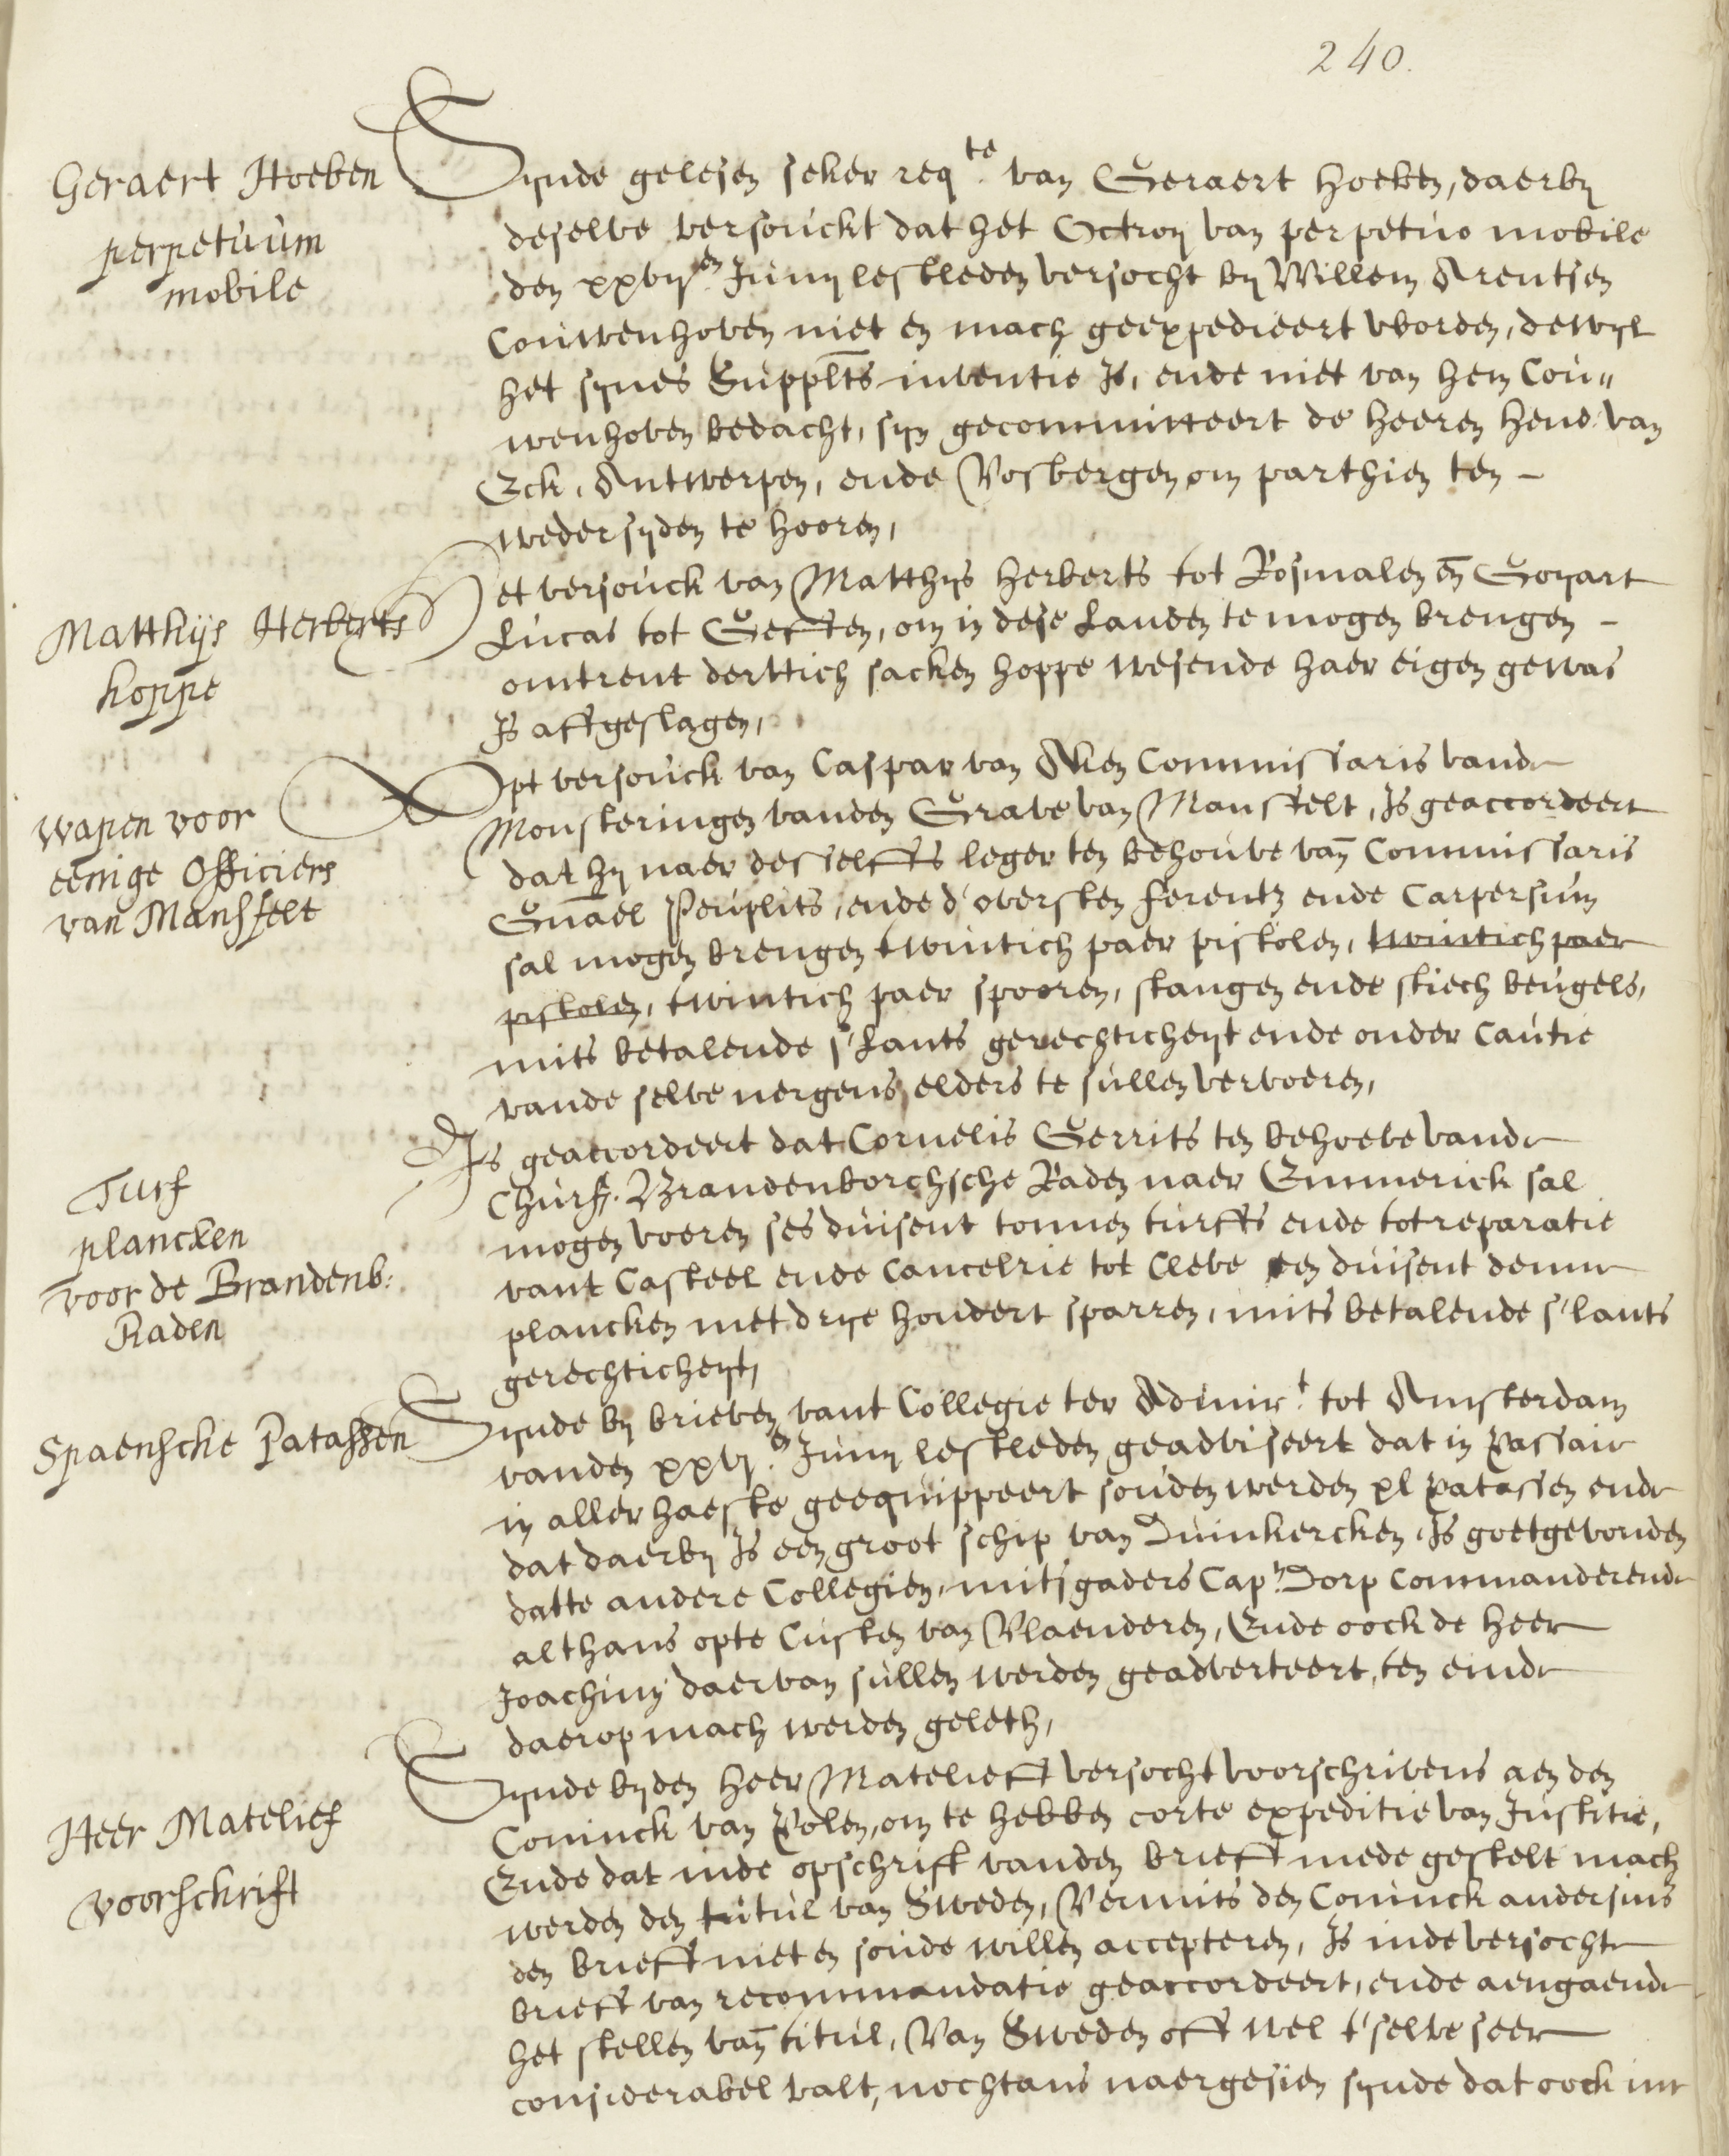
240.
Geraert Hoeben
perpetuum
mobile
Synde gelesen seker reqte van Geraert Hoeben, daerby
deselve versouckt dat het Octroy van perpetuo mobile
den xxvijen Juny lestleden versocht bij Willem Arentsen
Couwenhoven niet en mach geexpedieert worden, dewyl
het synes Supplts inventie is ende niet van hem Cou„
wenhoven bedacht, syn gecommitteert de heeren Hend: van
Eck, Antwerpen ende Vosbergen om parthien ten
wedersyden te hooren.
Matthijs Herberts
hoppe
Het versouck van Matthys Herberts tot Rosmalen en Goyart
Lucas tot Geffen, om in dese Landen te mogen brengen
omtrent derttich sacken hoppe wesende haer eigen gewas
is affgeslagen.
Wapen voor
eenige officiers
van Mansfelt
Opt versouck van Caspar van Aken commissaris vande
monsteringen vanden Grave van Mansfelt, Is geaccordeert
dat hy naer desselffs leger ten behouve van commissaris
Gnael Peuplits, ende d'oversten Ferentz ende Carpersum
sal mogen brengen twintich paer pistolen, twintich paer
pistolen, twintich paer spooren, stangen ende stiech beugels,
mits betalende s'Lants gerechticheyt ende onder cautie
vande selve nergens elders te sullen vervoeren.
Turf
plancken
voor de Brandenb:
Raden
Is geaccordeert dat Cornelis Gerrits ten behoeve vande
Churf. Brandenborchsche Raden naer Emmerick sal
mgen voeren ses duysent tonnen turfs ende tot reparatie
vant Casteel ende Cancelrie tot Cleve een duisent denne
plancken met drye hondert sparren, mits betalende s'lants
gerechticheyt.
Spaensche patassen
Synde bij brieven vant Collegie ter Admirt tot Amsterdam
vanden xxvje Juny lestleden geadviseert dat in Passaie
in allerhaeste geequippeert souden werden xl patassen ende
dat daerby is een groot schip van Duinkercken. Is goetgevonden
datte andere Collegien mitsgaders Capn Dorp commanderende
althans opte custen van Vlaenderen, Ende oock de heer
Joachimi daervan sullen worden geadverteert, ten einde
daerop mach worden geleth.
Heer Matelief
voorschrift
Synde byden heer Matelieff versocht voorschrivens aen den
Coninck van Polen, om te hebben corte expeditie van justitie.
Ende dat inde opschrift vanden brieff mede gestelt mach
werden den titul van Sweden, Vermits den coninck andersins
den brieff niet en soude willen accepteren, Is inde versochte
brieff van recommandatie geaccordeert, ende aengaende
het stellen van titul, Van Sweden off wel t'selve seer
considerabel valt, nochtans naer gesien synde dat oock int
